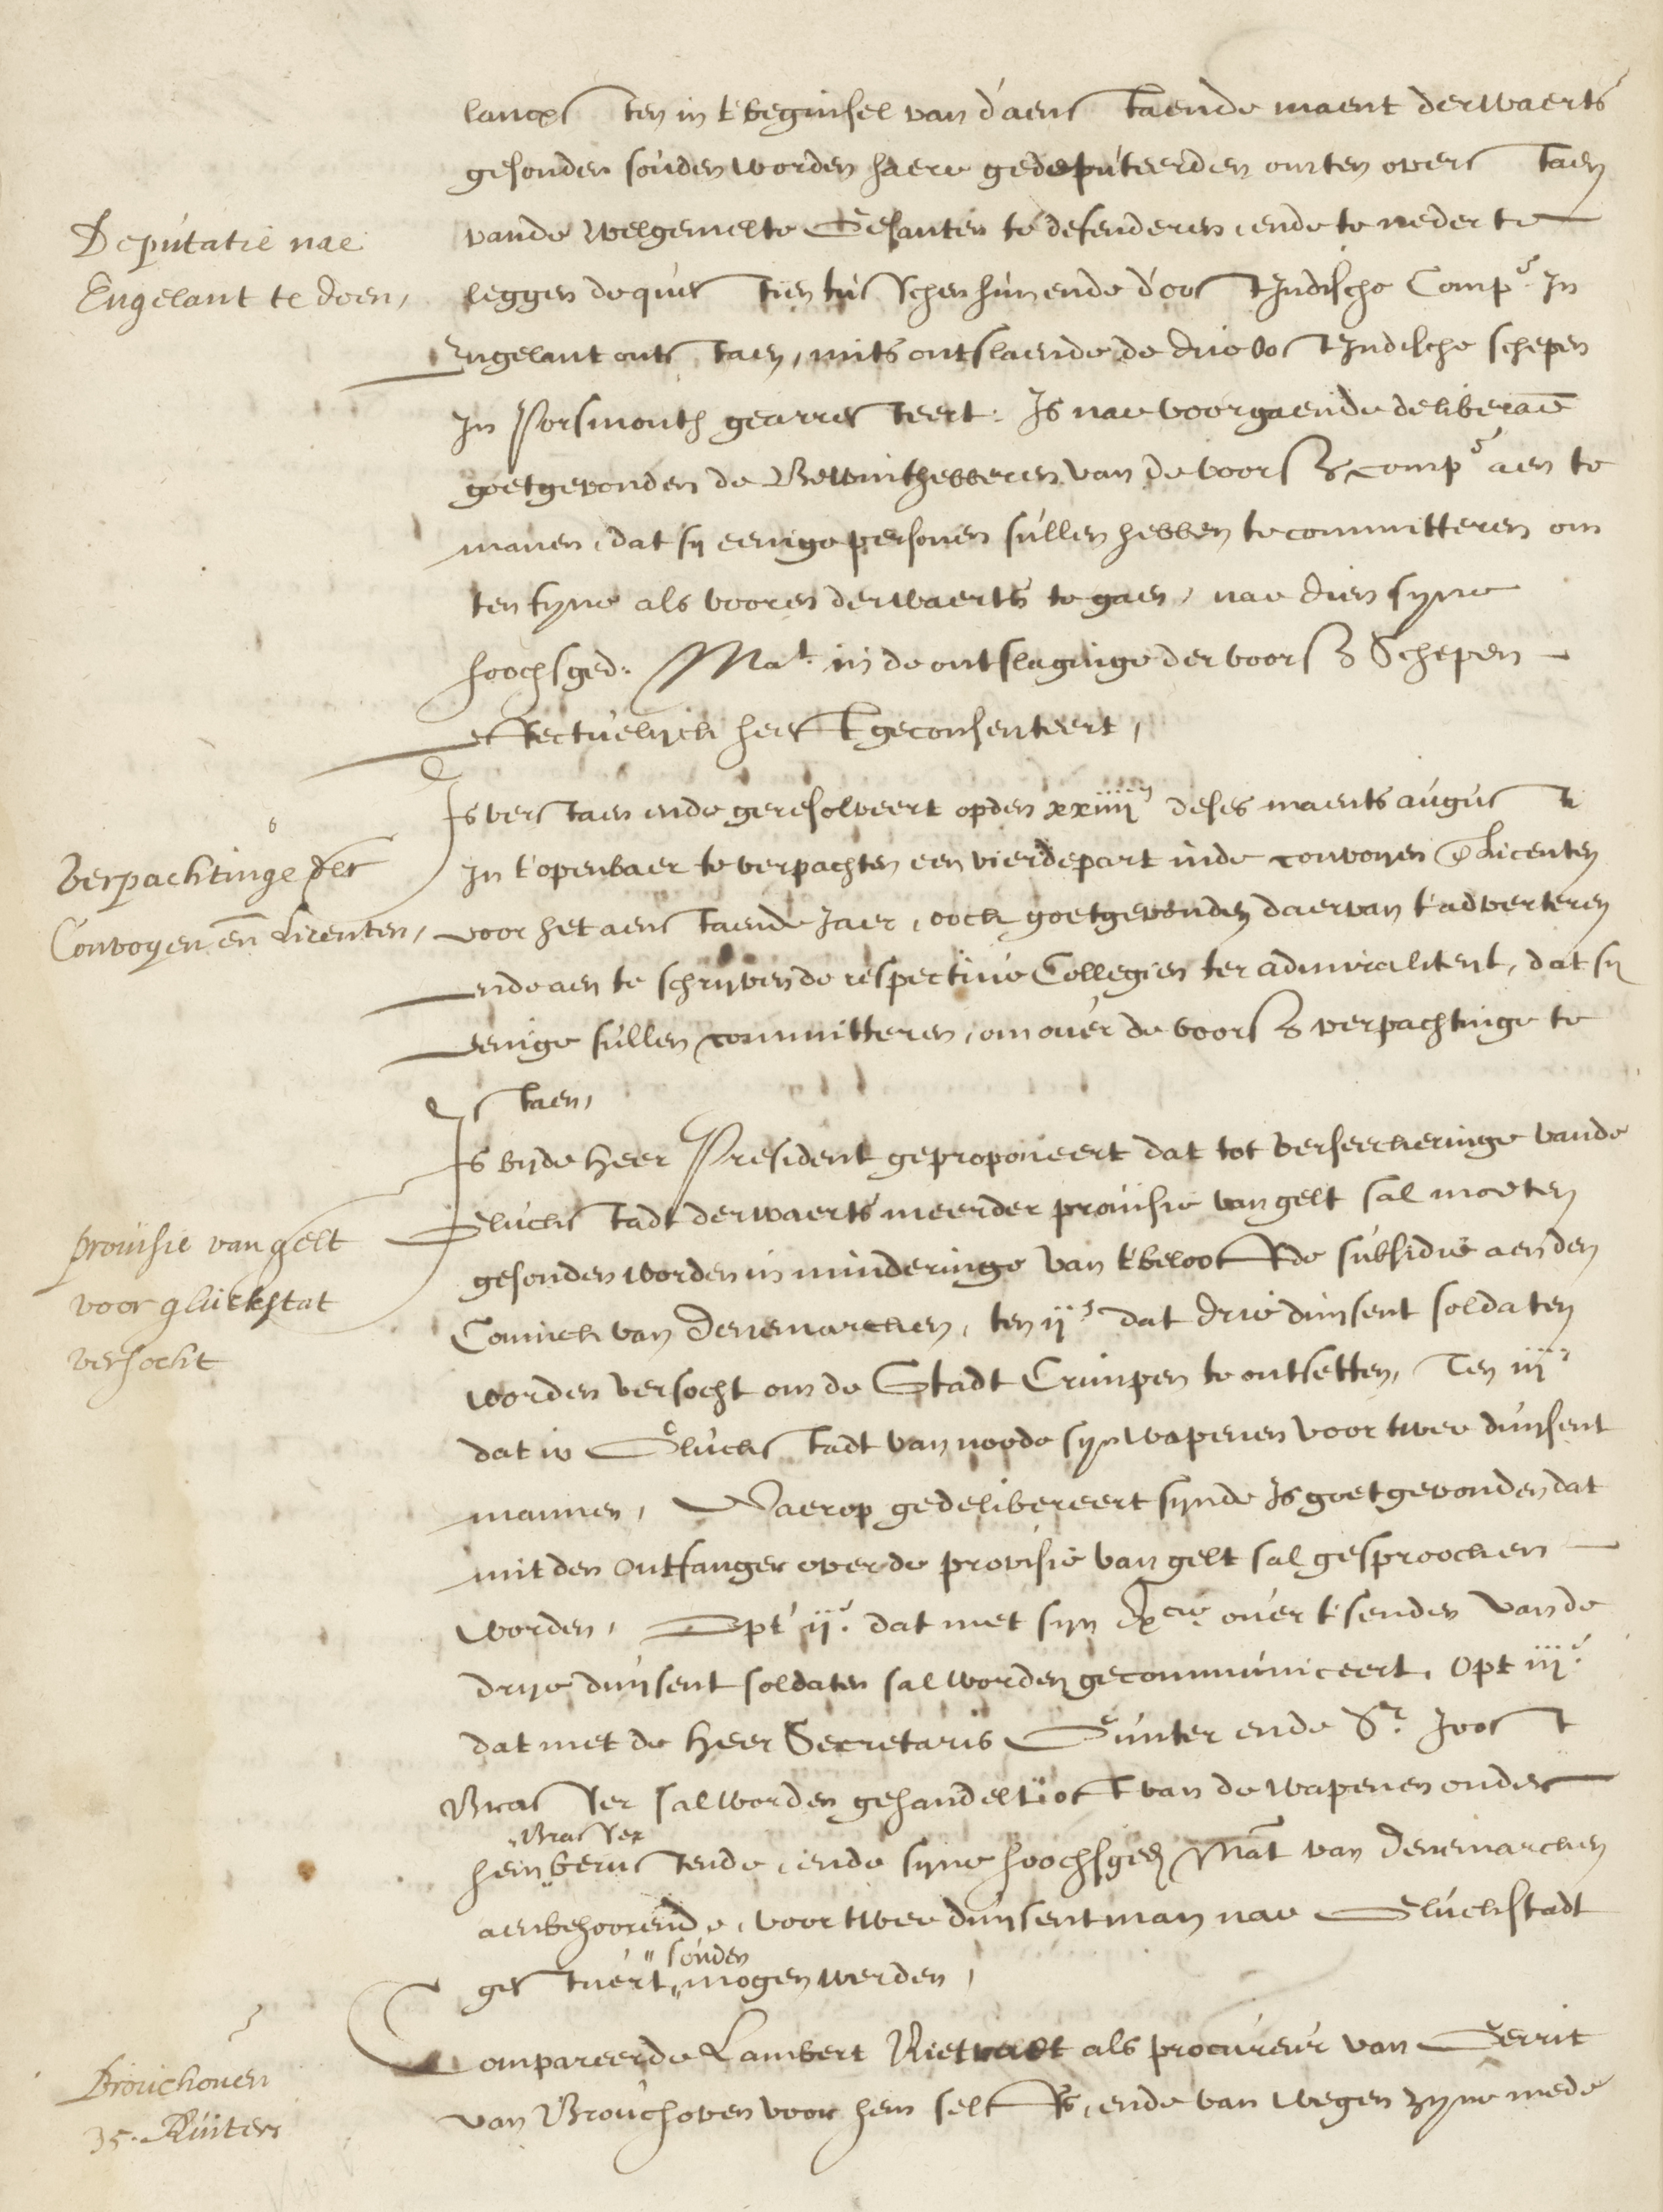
Deputatie nae
Engelant te doen.
lancxsten in t' beginsel van d'aenstaende maent derwaerts
gesonden souden worden haere gedeputeerden om ten overstaen,
vande welgemelte Gesanten te defenderen, ende te neder te
leggen de questien tusschen hun ende d'oostIndische Compe. in
Engelant ontstaen, mits ontslaende de drie oostIndische schepen
in Porsmouth gearresteert. Is nae voorgaende deliberae
goetgevonden de Bewinthebberen van de voors compe aen te
manen, dat sy eenige personen sullen hebben te committeren om
ten fyne als vooren derwaerts te gaen, nae dien syne
hoochsged: Mat. in de ontslaginge der voors Schepen -
effectuelyck heeft geconsenteert.
verpachtinge der
Convoyen en Licenten.
Is verstaen ende geresolveert opden xxiiijen deses maents augusti
In 't'openbaer te verpachten een vierdepart inde convoyen & Licenten
voor het aenstaend jaer, oock goetgevonden daervan t' adverteren
ende aen te schryven de respectiue Collegien ter admiraliteyt, dat sy
eenige sullen committeren, om ouer de voors verpachtinge te
staen.
prouisie van gelt
voor gluckstat
versocht
Is byde heer President geproponeert dat tot verseeckeringe vande
Gluckstadt derwaerts meerder prouisie van gelt sal moeten
gesonden worden in minderinge van t‛ belooffde subsidie aen den
Coninck van Denemarcken, ten ije dat drie duysent soldaten
worden versocht om de Stadt Crimpen te ontsetten, Ten iiie
dat in Gluckstadt van noode syn wapenen voor twee duysent
mannen. Waerop gedelibereert synde Is goetgevonden dat
mit den Ontfanger over de provisie van gelt sal gesproocken
worden. Opt' iie. dat met syn Excie ouer t'senden van de
drye duysent soldaten sal worden gecommuniceert, Opt iije.
dat met de heer Secretaris Gunter ende Sr. Joost
Brasser sal worden gehandelt off van de wapenen onder
,,Brasser,,
hem ,, berustende, ende syne hoochsged Mat van Denemarcken
aenbehoorende, voor twee duysent man nae Gluckstadt
gestuert ,,souden mogen werden.
Brouchouen
35. Ruiters
Compareerde Lambert Rietraet als procureur van Gerrit
van Brouchoven voor hem selffs, ende van wegen zyne mede
